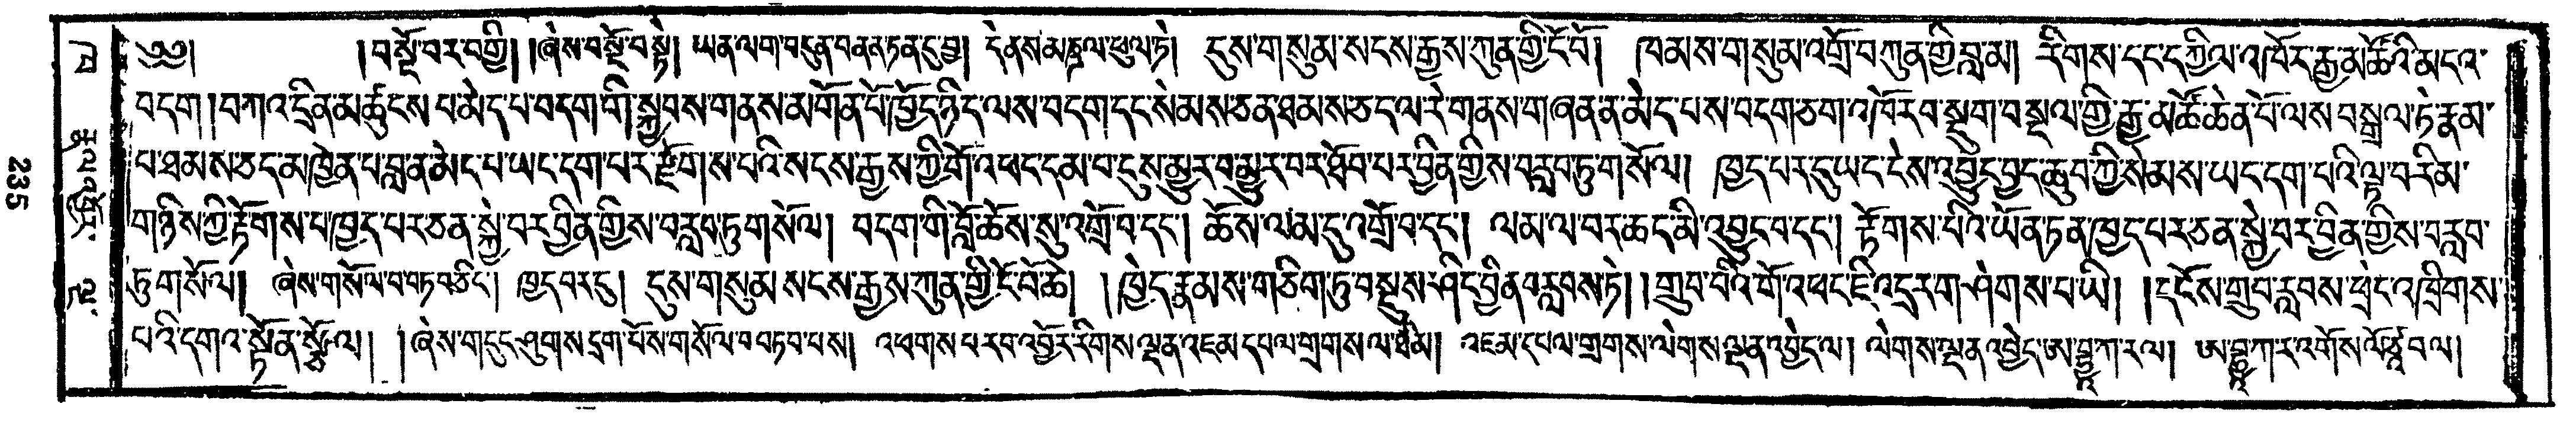༄༅། །བསྔོ་བར་བགྱི། །ཞེས་བསྔོ་བ་སྟེ། ཡན་ལག་བདུན་པ་ནན་ཏན་དུ་བྱ། དེ་ནས་མཎྜལ་ཕུལ་ཏེ། དུས་གསུམ་སངས་རྒྱས་ཀུན་གྱི་ངོ་བོ། ཁམས་གསུམ་འགྲོ་བ་ཀུན་གྱི་བླ་མ། རིགས་དང་དཀྱིལ་འཁོར་རྒྱ་མཚོའི་མངའ་
བདག །བཀའ་དྲིན་མཚུངས་པ་མེད་པ་བདག་གི་སྐྱབས་གནས་མགོན་པོ་ཁྱོད་ཉིད་ལས་བདག་དང་སེམས་ཅན་ཐམས་ཅད་ལ་རེ་གནས་གཞན་ན་མེད་པས་བདག་ཅག་འཁོར་བ་སྡུག་བསྔལ་གྱི་རྒྱ་མཚོ་ཆེན་པོ་ལས་བསྒྲལ་ཏེ་རྣམ་
པ་ཐམས་ཅད་མཁྱེན་པ་བླ་ན་མེད་པ་ཡང་དག་པར་རྫོགས་པའི་སངས་རྒྱས་ཀྱི་གོ་འཕང་དམ་པ་དུས་མྱུར་བ་མྱུར་བར་ཐོབ་པར་བྱིན་གྱིས་བརླབ་ཏུ་གསོལ། ཁྱད་པར་དུ་ཡང་ངེས་འབྱུང་བྱང་ཆུབ་ཀྱི་སེམས་ཡང་དག་པའི་ལྟ་བ་རིམ་
གཉིས་ཀྱི་རྟོགས་པ་ཁྱད་པར་ཅན་སྐྱེ་བར་བྱིན་གྱིས་བརླབ་ཏུ་གསོལ། བདག་གི་བློ་ཆོས་སུ་འགྲོ་བ་དང་། ཆོས་ལམ་དུ་འགྲོ་བ་དང་། ལམ་ལ་བར་ཆད་མི་འབྱུང་བ་དང་། རྟོགས་པའི་ཡོན་ཏན་ཁྱད་པར་ཅན་སྐྱེ་བར་བྱིན་གྱིས་བརླབ་
ཏུ་གསོལ། ཞེས་གསོལ་བ་བཏབ་ཅིང་། ཁྱད་བར་དུ། དུས་གསུམ་སངས་རྒྱས་ཀུན་གྱི་ངོ་བོ་ཆེ། །ཁྱེད་རྣམས་གཅིག་ཏུ་བསྡུས་ཤིང་བྱིན་བརླབས་ཏེ། །གྲུབ་པའི་གོ་འཕང་ཇི་འདྲར་གཤེགས་པ་ཡི། །དངོས་གྲུབ་རླབས་ཕྲེང་འཁྲིགས་
པའི་དགའ་སྟོན་སྩོལ། །ཞེས་གདུང་ཤུགས་དྲག་པོས་གསོལ་བ་བཏབ་པས། འཕགས་པ་རབ་འབྱོར་རིགས་ལྡན་འཇམ་དཔལ་གྲགས་ལ་ཐིམ། འཇམ་དཔལ་གྲགས་ལེགས་ལྡན་འབྱེད་ལ། ལེགས་ལྡན་འབྱེད་ཨ་བྷྱཱ་ཀ་ར་ལ། ཨ་བྷྱཱ་ཀ་ར་འགོས་ལོ་ཙཱ་བ་ལ།